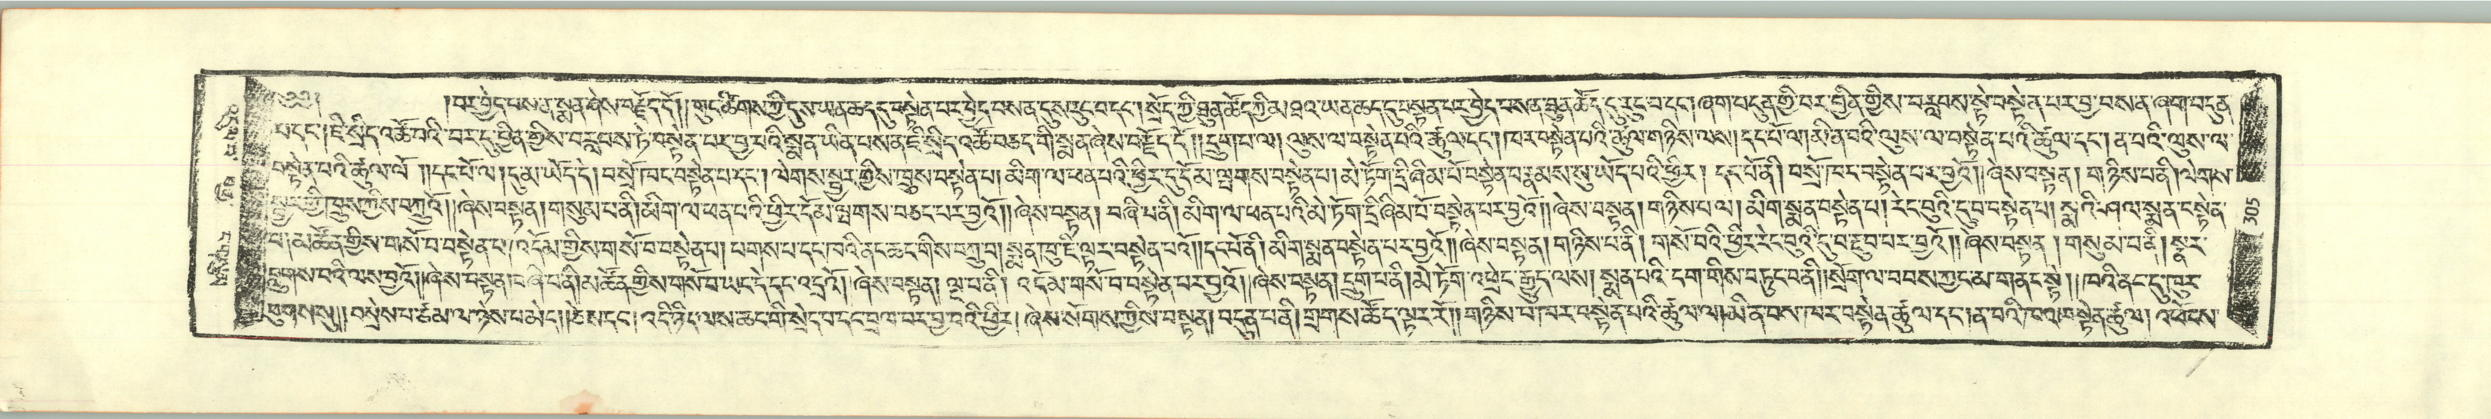༄༅། །བར་བྱེད་པས་ན་སྨན་ཞེས་བརྗོད་དོ། །གུང་ཚིགས་ཀྱི་དུས་ཡན་ཆད་དུ་བསྟེན་པར་བྱེད་པས་ན་དུས་རུང་བ་དང་། སྲོད་ཀྱི་ཐུན་ཚོད་ཀྱི་མཐའ་ཡན་ཆད་དུ་བསྟན་པར་བྱེད་པས་ན་ཐུན་ཚོད་དུ་རུང་བ་དང་། ཞག་བདུན་གྱི་བར་བྱིན་གྱིས་བརླབས་སྟེ་བསྟེན་པར་བྱ་བས་ན་ཞག་བདུན་
པ་དང་། ཇི་སྲིད་འཚོ་བའི་བར་དུ་བྱིན་གྱིས་བརླབས་ཏེ་བསྟེན་པར་བྱ་བའི་སྨན་ཡིན་པས་ན་ཇི་སྲིད་འཚོ་བཅད་གི་སྨན་ཞེས་བརྗོད་དོ། །དྲུག་པ་ལ། ལུས་ལ་བསྟེན་པའི་ཚུལ་དང་། ཁར་བསྟེན་པའི་ཚུལ་གཉིས་ལས། དང་པོ་ལ། མིན་བའི་ལུས་ལ་བསྟེན་པའི་ཚུལ་དང་། ན་བའི་ལུས་ལ་
བསྟེན་པའི་ཚུལ་ལོ། །དང་པོ་ལ། དུ་མ་ཡོད་དེ། བསྲོ་ཁང་བསྟེན་པ་དང་། ལེགས་སྦྱར་གྱིས་ཁྲུས་བསྟེན་པ། མིག་ལ་ཕན་པའི་ཕྱིར་དུ་དོམ་ལྤགས་བསྟེན་པ། མེ་ཏོག་དྲི་ཞིམ་པོ་བསྟེན་པ་རྣམས་སུ་ཡོད་པའི་ཕྱིར། དང་པོ་ནི། བསྲོ་ཁར་བསྟེན་པར་བྱའོ། །ཞེས་བསྟན། གཉིས་པ་ནི། ལེགས་
སྦྱར་གྱི་ཁྲུས་ཀྱིས་བཀྲུའོ། །ཞེས་བསྟན། གསུམ་པ་ནི། མིག་ལ་ཕན་པའི་ཕྱིར་དོམ་ལྤགས་བཅད་པར་བྱའོ། །ཞེས་བསྟན། བཞི་པ་ནི། མིག་ལ་ཕན་པའི་མེ་ཏོག་དྲི་ཞིབ་པོ་བསྟེན་པར་བྱའོ། །ཞེས་བསྟན། གཉིས་པ་ལ། མིག་སྨན་བསྟེན་པ། རེང་བུའི་དུ་བ་བསྟེན་པ། སྨའི་ཤལ་སྨན་བསྟེན་
བ༑ མཚོན་གྱིས་གསོ་བ་བསྟེན་པ། འདོམ་གྱིས་གསོ་བ་བསྟེན་པ། པགས་པ་དང་ཁའི་ནང་ཆང་གིས་བཀྲུ་བ། སྨན་ཁུ་ཇི་ལྟར་བསྟེན་པའོ། །དང་པོ་ནི། མིག་སྨན་བསྟེན་པར་བྱའོ། །ཞེས་བསྟན། གཉིས་པ་ནི། གསོ་བའི་ཕྱིར་རེང་བུའི་དུ་བ་རྡུབ་པར་བྱའོ། །ཞེས་བསྟན། གསུམ་པ་ནི། སྣར་
བླུགས་པའི་ལས་བྱའོ། །ཞེས་བསྟན། བཞི་པ་ནི། མཚོན་གྱིས་གསོ་བ་ཡང་དེ་དང་འདྲའོ། །ཞེས་བསྟན། ལྔ་པ་ནི། འདོམ་གསོ་བ་བསྟེན་པར་བྱའོ། །ཞེས་བསྟན། དྲུག་པ་ནི། མེ་ཏོག་འཕྲེང་རྒྱུད་ལས། སྨན་པའི་ངག་གིས་བཏུང་བ་ནི། །སྲོག་ལ་བབས་ཀྱང་མ་གནང་སྟེ། །ཁའི་ནང་དུ་ཁུར་
ཕུགས་སུ། །བསྲེས་པ་ཙམ་ལ་ཉེས་པ་མེད། །ཅེས་དང་། འདི་ཉིད་ལས་ཆང་གི་སྲེད་པ་དང་བྲལ་བར་བྱ་བའི་ཕྱིར། ཞེས་སོགས་ཀྱིས་བསྟན། བདུན་པ་ནི། གྲགས་ཚོད་ལྟར་རོ། །གཉིས་པ་ཁར་བསྟེན་པའི་ཚུལ་ལ། མིན་བས་ཁར་བསྟེན་ཚུལ་དང་། ན་བའི་ཁལ་བསྟེན་ཚུལ། འཕོངས་